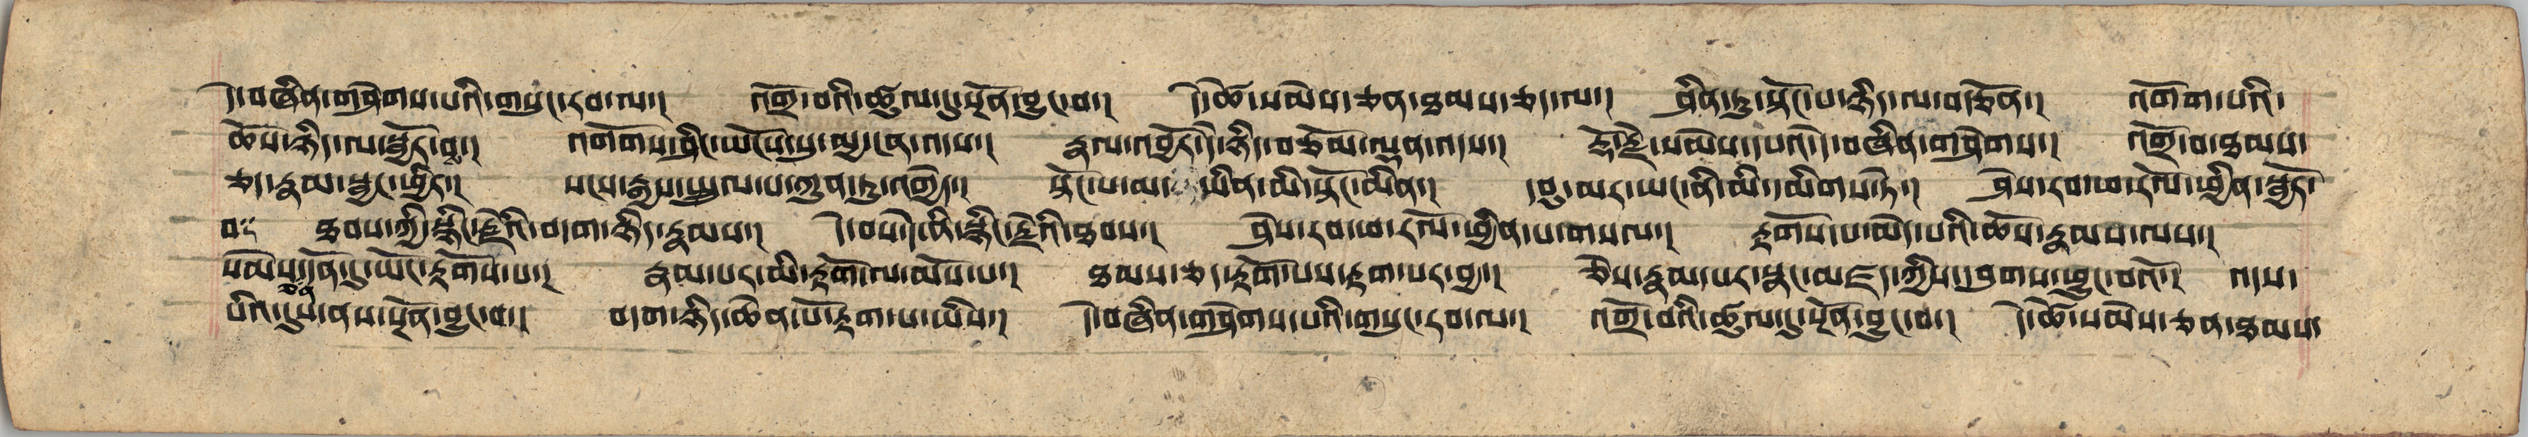དེ་བཞིན་གཤེགས་པའི་གསུང་རབ་ལ་། འགྲོ་བའི་ཚུལ་དུ་སྔོན་བྱུང་བ་། དེ་ཚེ་སེམས་ཅན་ཐམས་ཅད་ལ་། ཤིན་ཏུ་སྟོང་པ་ཉིད་ལ་བརྩོན་། འགོག་པའི་
ཆོས་ཉིད་ལ་སྦྱོར་བས་། འགོགས་ཤིང་ཡོངས་སུ་མྱ་ངན་འདས་། རྣལ་འབྱོར་དེ་ཉིད་བཅོམ་ལྡན་འདས་། རྡོ་རྗེ་སེམས་དཔའ་དེ་བཞིན་གཤེགས་། འགྲོ་བ་ཐམས་
ཅད་རྣམ་སྦྱང་ཕྱིར་། སངས་རྒྱས་སྤྲུལ་པ་ཀུན་ཏུ་འགྱེད་། སྟོང་པ་མ་ཡིན་མི་སྟོང་མིན་། དབུ་མར་ཡང་ནི་མི་དམིགས་ཏེ་། ཤེས་རབ་ཕ་རོལ་ཕྱིན་སྦྱོར་
བ༑ ཐབས་ཀྱི་སྙིང་རྗེའི་བདག་ཉིད་རྣམས་། དེ་བས་དེ་ནི་སྙིང་རྗེའི་ཐབས་། ཤེས་རབ་ཕ་རོལ་ཕྱིན་པ་གསལ་། རྟོགས་པ་མེད་པའི་ཆོས་རྣམས་ལས་།
སེམས་ཅན་དོན་དུ་ཡོང་རྟོགས་པ་། རྣམ་པར་མི་རྟོག་ལ་མོས་པ་། ཐམས་ཅད་རྟོག་པས་རྟག་པར་བྱ་། ཅེས་རྣམ་པར་སྣང་མཛད་ཀྱིས་དབུགས་ཕྱུང་བའོ་། འདས་
པའི་དུས་ནས་སྔོན་བྱུང་བ་། བདག་ཉིད་ཆེན་པོ་རྟག་པ་ཡིས་། དེ་བཞིན་གཤེགས་པའི་གསུང་རབ་ལ་། འགྲོ་བའི་ཚུལ་དུ་སྔོན་བྱུང་བ་། དེ་ཚེ་སེམས་ཅན་ཐམས་